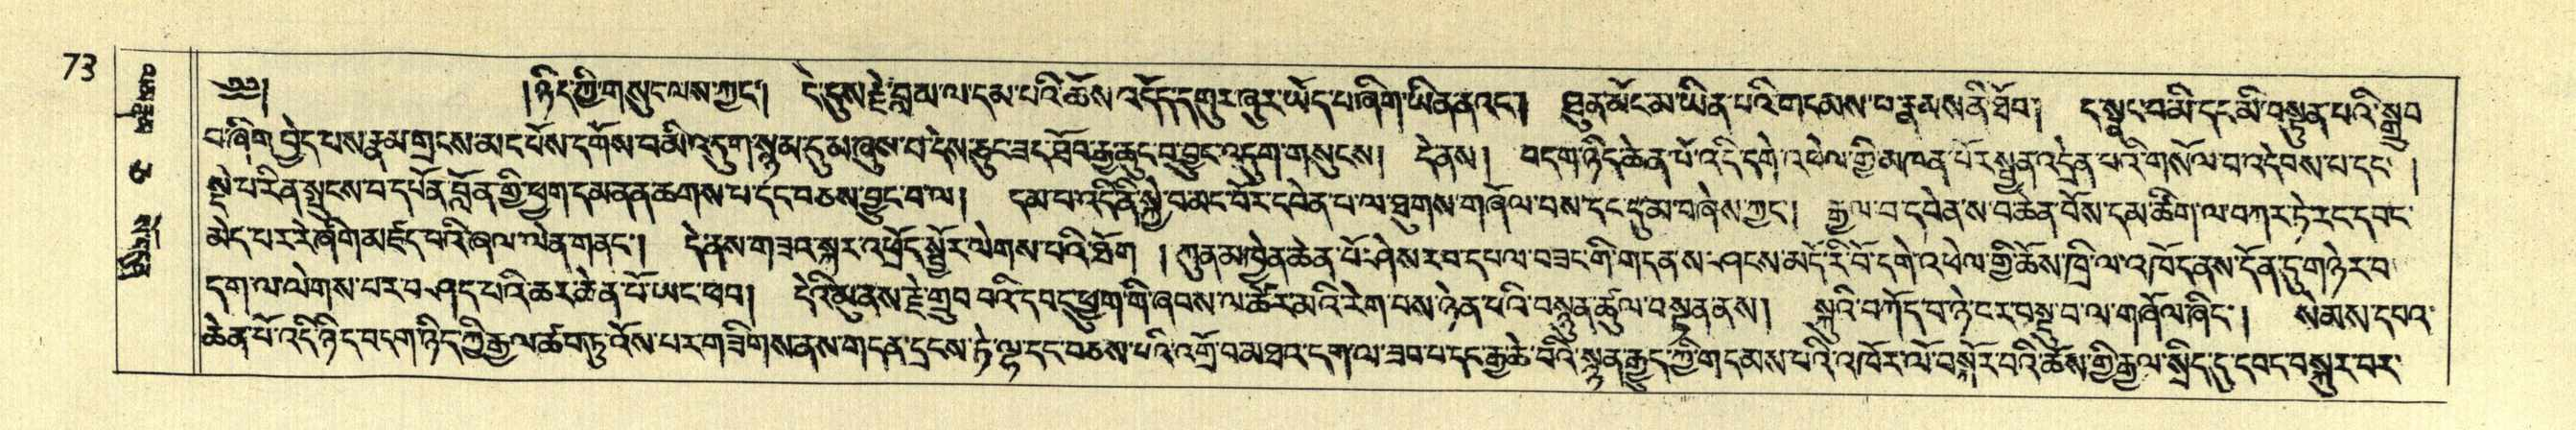༄༅། །ཉིད་ཀྱི་གསུང་ལས་ཀྱང་། དེ་དུས་རྗེ་བླ་མ་ལ་དམ་པའི་ཆོས་འདོད་དགུར་ཞུར་ཡོད་པ་ཞིག་ཡིན་ནའང་། ཐུན་མོང་མ་ཡིན་པའི་གདམས་པ་རྣམས་ནི་ཐོབ། ད་སྣང་བ་མི་དང་མི་བསྟུན་པའི་སྒྲུབ་
བ་ཞིག་བྱེད་པས་རྣམ་གྲངས་མང་པོས་དགོས་བ་མི་འདུག་སྙམ་དུ་མ་ཞུས་བ་དེས་ཅུང་ཟད་ཐོབ་རྒྱ་ཆུང་བ་བྱུང་འདུག་གསུངས། དེ་ནས། བདག་ཉིད་ཆེན་པོ་འདི་དགེ་འཕེལ་གྱི་མཁན་པོར་སྤྱན་འདྲེན་པའི་གསོལ་བ་འདེབས་པ་དང་།
སྡེ་པ་རིན་སྤུངས་བ་དཔོན་བློན་གྱི་ཕྱག་དམན་ན་ཆགས་པ་དང་བཅས་བྱུང་བ་ལ། དམ་པ་འདི་ནི་སྐྱེ་བ་མང་བོར་དབེན་པ་ལ་ཐུགས་གཞོལ་བས་དང་དུ་མ་བཞེས་ཀྱང་། རྒྱལ་བ་དབེན་ས་བ་ཆེན་བོས་དམ་ཚིག་ལ་བཀར་ཏེ་རང་དབང་
མེད་པར་རེ་ཞིག་མཛད་པའི་ཞལ་ལེན་གནང་། དེ་ནས་གཟའ་སྐར་འཕྲོད་སྦྱོར་ལེགས་པའི་ཐོག །ཀུན་མཁྱེན་ཆེན་པོ་ཤེས་རབ་དཔལ་བཟང་གི་གདན་ས་ཤངས་མདོ་རི་བོ་དགེ་འཕེལ་གྱི་ཆོས་ཁྲི་ལ་འཁོད་ནས་དོན་དུ་གཉེར་བ་
དག་ལ་ལེགས་པར་བཤད་པའི་ཆར་ཆེན་པོ་ཡང་ཕབ། དེའི་མུ་ནས་རྗེ་གྲུབ་བའི་དབང་ཕྱུག་གི་ཞབས་ལ་ཚེར་མའི་རེག་བས་ཉེན་པའི་བསྙུན་ཚུལ་བསྟན་ནས། སྐུའི་བཀོད་བ་ཉེ་བར་བསྡུ་བ་ལ་གཞོལ་ཞིང་། སེམས་དཔའ་
ཆེན་པོ་འདི་ཉིད་བདག་ཉིད་ཀྱི་རྒྱལ་ཚབ་ཏུ་འོས་པར་གཟིགས་ནས་གདན་དྲངས་ཏེ་ལྷ་དང་བཅས་པའི་འགྲོ་བ་མཐའ་དག་ལ་ཟབ་པ་དང་རྒྱ་ཆེ་བའི་སྙན་རྒྱུད་ཀྱི་གདམས་པའི་འཁོར་ལོ་བསྐོར་བའི་ཆོས་གྱི་རྒྱལ་སྲིད་དུ་དབང་བསྐུར་བར་